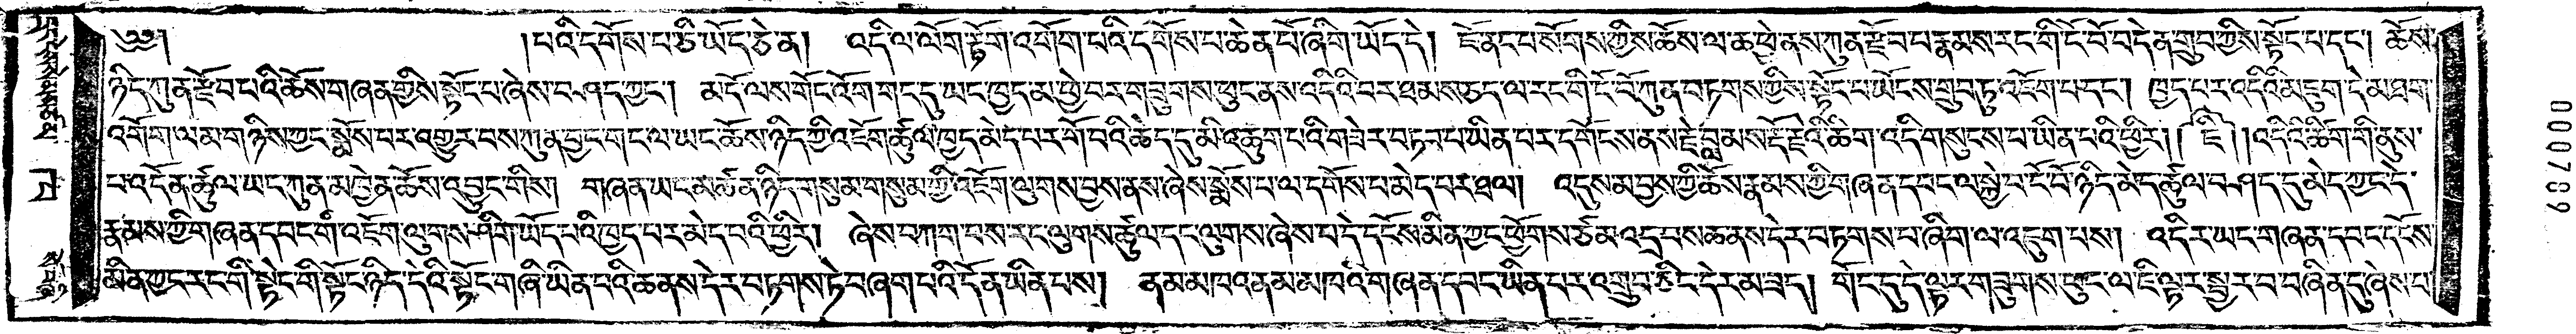༄༅། །པའི་དགོས་པ་ཅི་ཡོད་ཅེ་ན། འདི་ལ་ལོག་རྟོག་འགོག་པའི་དགོས་པ་ཆེན་པོ་ཞིག་ཡོད་དེ། ཇོ་ནང་པ་སོགས་ཀྱིས་ཆོས་ལ་ཆ་ཕྱེ་ནས་ཀུན་རྫོབ་པ་རྣམས་རང་གི་ངོ་བོ་བདེན་གྲུབ་ཀྱིས་སྟོང་པ་དང་། ཆོས་
ཉིད་ཀུན་རྫོབ་པའི་ཆོས་གཞན་གྱིས་སྟོང་པ་ཞེས་བཤད་ཀྱང་། མདོ་ལས་གོང་འོག་གང་དུ་ཡང་ཁྱད་མ་ཕྱེ་བར་གཟུགས་ཕུང་ནས་འདིའི་བར་ཐམས་ཅད་ལ་རང་གི་ངོ་བོ་ཀུན་བཏགས་ཀྱིས་སྟོང་པ་ཡོངས་གྲུབ་ཏུ་འཇོག་པ་དང་། ཁྱད་པར་འདིའི་མཇུག་དེ་མ་ཐག་
འགོག་ལམ་གཉིས་ཀྱང་སྨོས་པར་འགྱུར་བས་ཀུན་བྱང་གང་ལ་ཡང་ཆོས་ཉིད་ཀྱི་འཇོག་ཚུལ་ཁྱད་མེད་པར་གོ་བའི་ཆེད་དུ་མི་འཆུག་པའི་གཟེར་བཏབ་པ་ཡིན་པར་དགོངས་ནས་རྗེ་བླ་མས་རྡོ་རྗེའི་ཚིག་འདི་གསུངས་པ་ཡིན་པའི་ཕྱིར། ༼ཇི༽ །འདིའི་ཚིག་གི་ནུས་
པ་འདོན་ཚུལ་ཡང་ཀུན་མཁྱེན་ཆོས་འབྱུང་གིས། གཞན་ཡང་མཚན་ཉིད་གསུམ་གསུམ་གྱི་འཇོག་ལུགས་བྱས་ནས་ཞེས་སྨོས་པ་ལ་དགོས་པ་མེད་པར་ཐལ། འདུས་མ་བྱས་ཀྱི་ཆོས་རྣམས་ཀྱི་གཞན་དབང་ལ་སྐྱེ་བ་ངོ་བོ་ཉིད་མེད་ཚུལ་བཤད་དུ་མེད་ཀྱང་དེ་
རྣམས་ཀྱི་གཞན་དབང་གི་འཇོག་ལུགས་ཤིག་ཡོད་པའི་ཁྱད་པར་མེད་པའི་ཕྱིར། ཞེས་བཀག་པས་རང་ལུགས་ཚུལ་དང་ལུགས་ཞེས་པ་དེ་དངོས་མིན་ཀྱང་ཕྱོགས་ཙམ་འདྲ་བས་ཆ་ནས་དེར་བཏགས་པ་ཞིག་ལ་འཇུག་པས། འདིར་ཡང་གཞན་དབང་དངོས་
མིན་ཀྱང་རང་གི་སྟེང་གི་སྟོང་ཉིད་དེའི་སྟོང་གཞི་ཡིན་པའི་ཆ་ནས་དེར་བཏགས་ཏེ་བཞག་པའི་དོན་ཡིན་པས། ནམ་མཁའ་ནམ་མཁའི་གཞན་དབང་ཡིན་པར་འགྲུབ་ཅིང་དེར་མ་ཟད། གོང་དུ་དེ་ལྟར་གཟུགས་ཕུང་ལ་ཇི་ལྟར་སྦྱར་བ་བཞིན་དུ་ཞེས་པ་